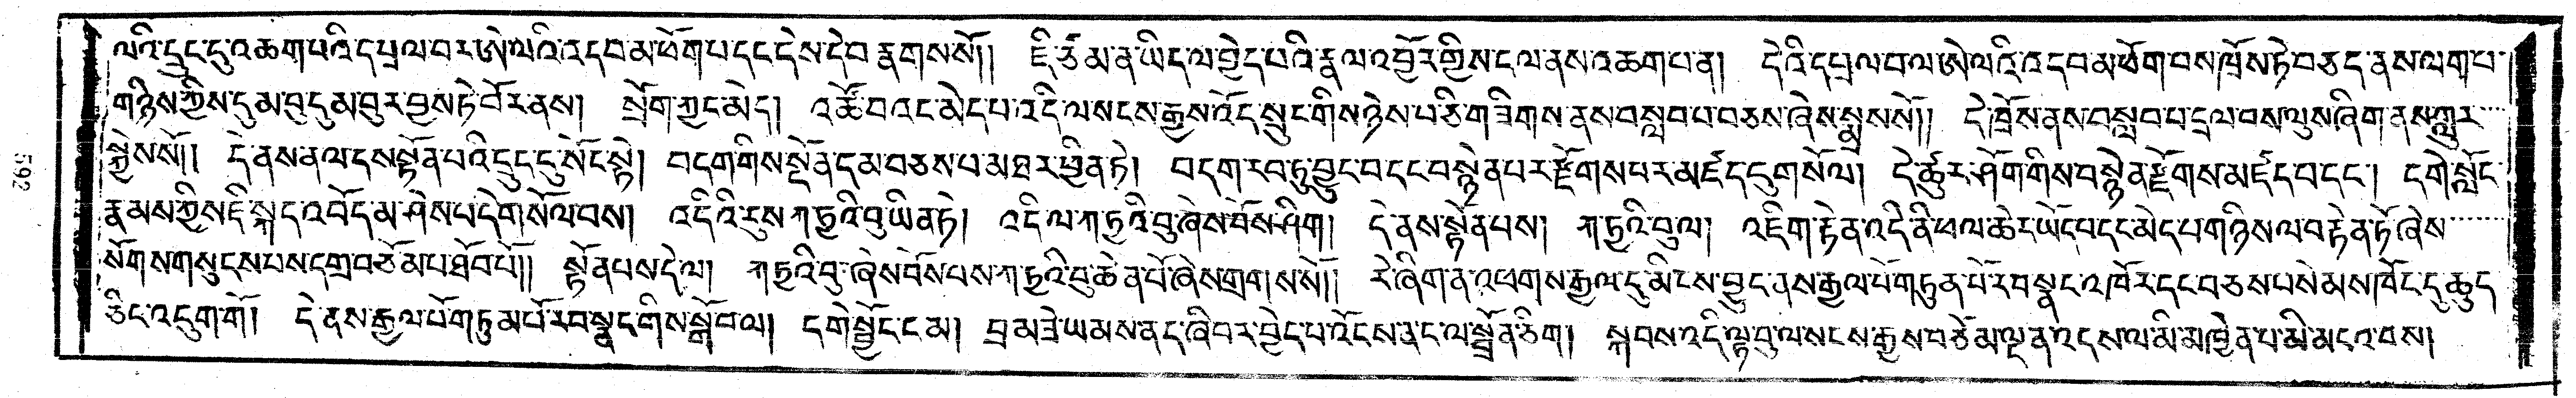ལའི་དྲུང་དུ་འཆག་པའི་དཔྲལ་བར་ཨེ་ལའི་འདབ་མ་ཕོག་པ་དང་དེས་དེ་བ་རྣགས་སོ།། ཇི་ཙམ་ན་ཡིད་ལ་བྱེད་པའི་རྣལ་འབྱོར་གྱིས་ངལ་ནས་འཆག་པ་ན། དེའི་དཔྲལ་བ་ལ་ཨེ་ལའི་འདབ་མ་ཕོག་པས་ཁྲོས་ཏེ་བཅད་ནས་ལག་པ་
གཉིས་ཀྱིས་དུམ་བུ་དུ་མ་བུར་བྱས་ཏེ་བོར་ནས། སྲོག་ཀྱང་མེད། འཚོ་བའང་མེད་པ་འདི་ལ་སངས་རྒྱས་འོད་སྲུང་གིས་ཉེས་པ་ཅི་གཟིགས་ནས་བསླབ་པ་བཅས་ཞེས་སྨྲས་སོ།། དེ་ཁྲོས་ནས་བསླབ་པ་དྲལ་བས་ལུས་ཞིག་ནས་ཀླུར་
སྐྱེས་སོ།། དེ་ནས་ནལ་དས་སྟོན་པའི་དྲུང་དུ་སོང་སྟེ། བདག་གིས་སྔོན་དམ་བཅས་པ་མཐར་ཕྱིན་ཏེ། བདག་རབ་ཏུ་བྱུང་བ་དང་བསྙེན་པར་རྫོགས་པར་མཛད་དུ་གསོལ། དེ་ཚུར་ཤོག་གིས་བསྙེན་རྫོགས་མཛད་བ་དང་། དགེ་སློང་
རྣམས་ཀྱིས་ཇི་སྐད་འབོད་མ་ཤེས་པ་དེ་གསོལ་བས། འདིའི་རུས་ཀ་ཏྱའི་བུ་ཡིན་ཏེ། འདི་ལ་ཀ་ཏྱའི་བུ་ཞེས་བོས་ཤིག། དེ་ནས་སྟོན་པས། ཀ་ཏྱའི་བུ་ལ། འཇིག་རྟེན་འདི་ནི་ཕལ་ཆེར་ཡོད་པ་དང་མེད་པ་གཉིས་ལ་བརྟེན་ཏོ་ཞེས་
སོགས་གསུངས་པས་དགྲ་བཅོམ་པ་ཐོབ་པོ།། སྟོན་པས་དེ་ལ། ཀ་ཏྱའི་བུ་ཞེས་བོས་པས་ཀ་ཏྱའི་བུ་ཆེན་པོ་ཞེས་གྲགས་སོ།། རེ་ཞིག་ན་འཕགས་རྒྱལ་དུ་མིང་བྱུང་ནས་རྒྱལ་པོ་གཏུན་པོ་རབ་སྣང་འཁོར་དང་བཅས་པ་སེམས་ཁོང་དུ་ཆུད་
ཅིང་འདུག་གོ། དེ་ནས་རྒྱལ་པོ་གཏུམ་པོ་རབ་སྣང་གིས་སྒོ་བ་ལ། དགེ་སྦྱོང་ངམ། བྲམ་ཟེ་ཡམས་ནད་ཞི་བར་བྱེད་པ་འོངས་ནང་ལ་སྦྲོན་ཅིག། སྐབས་འདི་ལྟ་བུ་ལ་སངས་རྒྱས་བཅོམ་ལྡན་འདས་ལ་མི་མཁྱེན་པ་མི་མངའ་བས།